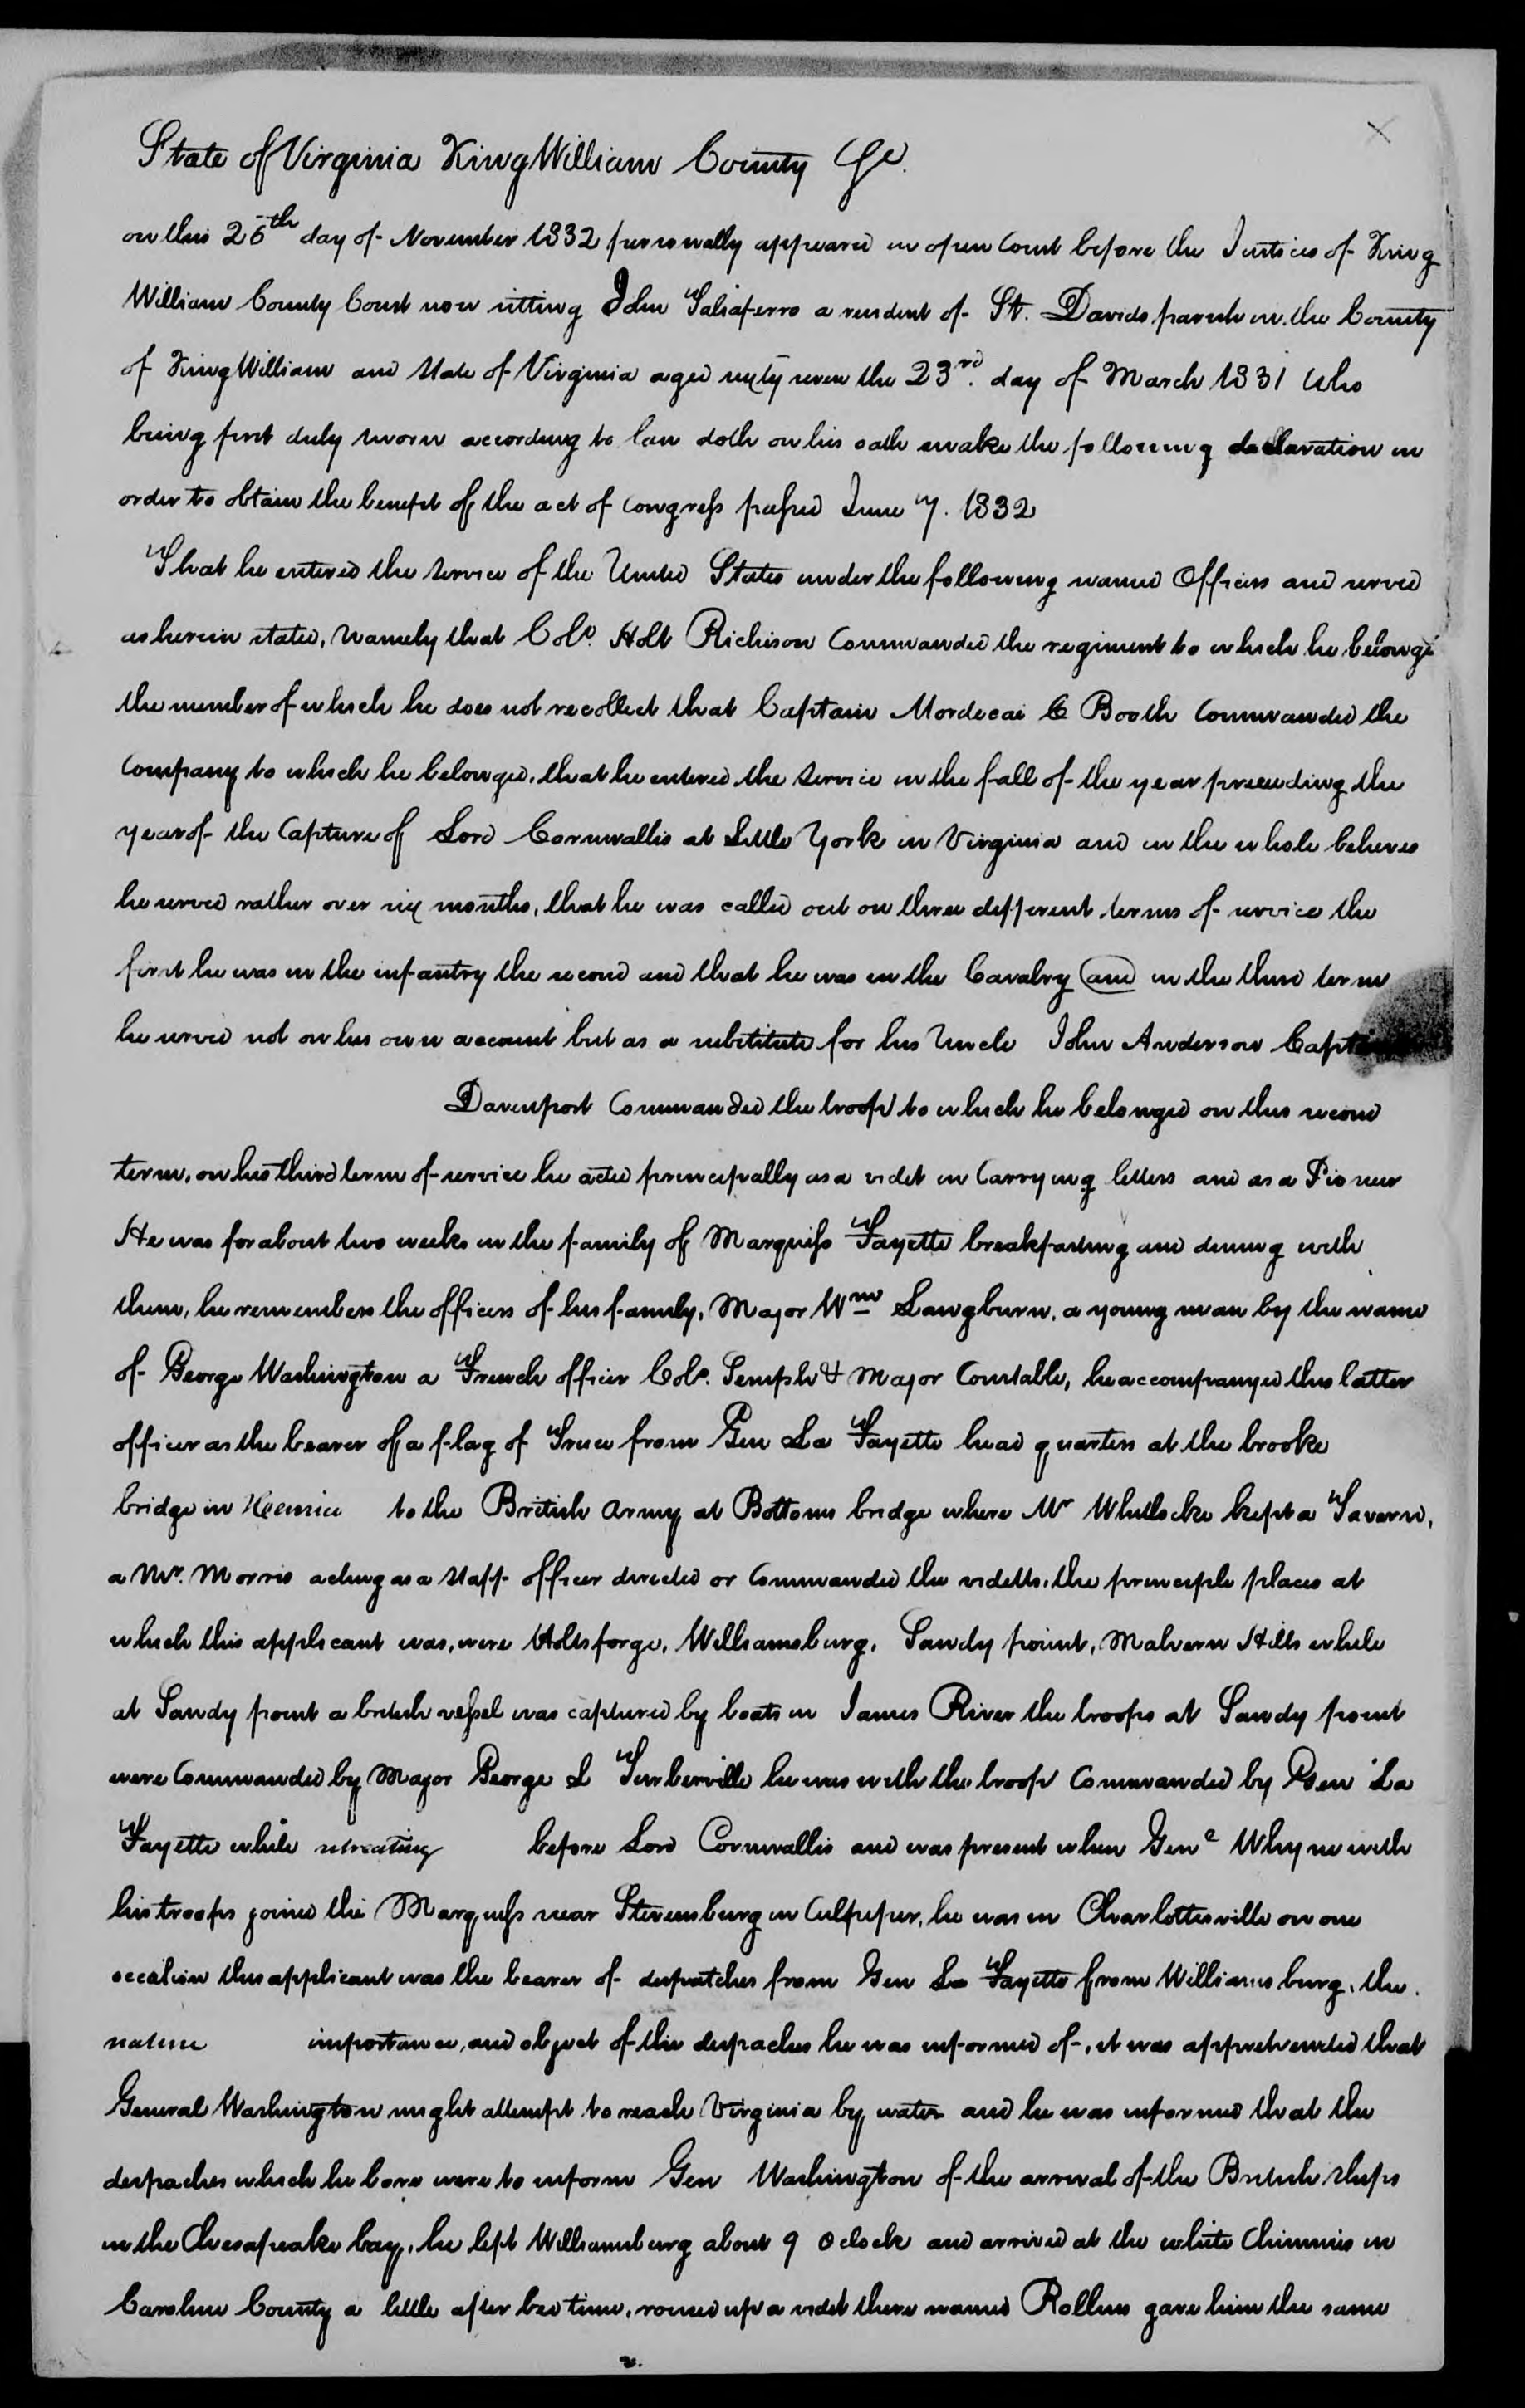State of Virginia King William County Va
on this 26th day of November 1832 personally appeared in open court before the Justices of King William County Court now sitting John Taliaferro a resident of St Davids parish in the County of King William and State of Virginia aged sixty seven the 23rd day of March 1831 who being first duly sworn according to law doth on his oath make the following declaration in order to obtain the benefit of the act of congress passed June 7 1832. 

That he entered the service of the United States under the following named officers and served as herein stated, namely that Col Holt Richison commanded the regiment to which he belongs the number of which he does not recollect that Captain Mordecai C Booth commanded the company to which he belonged that he entered the service in the fall of the year preceding the year of the capture of Lord Cornwallis at Little York in Virginia and in the whole believes he served rather over six months, that he was called out on those different terms of service the first he was in the infantry the second and that he was in the Cavalry and in the third term he served not on his own account but as a substitute or his uncle John Anderson Capt. 

Davenport commanded the troops to which he belonged on this second term, on his third term of service he acted principally as a videt in carrying letters and as a Pioneer. He was for about two weeks in the family of Marquis Lafayette breakfasting and dining with them. He remembers the officers of his family, Major Wm. Langburn, a young man by the name of George Washington, a French officer Cols Semph & Major Constable, he accompanyed this latter officer as the bearer of a flag of truce from Gen La Fayette headquarters at the Brooke bridge in  Henrico [?] to the British Army at Bottom bridge where Mr Whitlock keeps a Tavern, a Wm Morris acting as a staff officer directed or commanded the videtts the principle places at which this applicant was were Holes[?]forge, Williamsburg, Sandy point, Malvern Hills while at Sandy point a British vessel was captured by boats in James River the troops at Sandy Point were commanded by Major George L Turberville he was with the troop commanded by Gen La Fayette while retreating before Lord Cornwallis and was present when Gen Whyne[?] with his troops joined the Marquess near Stevensburg in Culpeper, he was in Charlottesville on our occasion this applicant was the bearer of dispatches from Gen La Fayetteville from Williamsburg, the nature [blank space] importance, and object of the dispatches he was informed of it was apprehended that General Washington might attempt to reach Virginia by water and he was informed that the dispatches which he bore were to inform Gen Washington of the arrival of the British ships in the Chesapeake bay.  he left Williamsburg about 9 o'clock and arrived at the white chimminies [chimneys] in Caroline County a little after bedtime, roused up a videt there named Rollins gave him the same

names: [BLANK] Constable; [BLANK] La Fayette; [BLANK] Washington; [BLANK] Morris; George Washington; Mordicai C Booth; [BLANK] La Fayette; Holt Richison; John Anderson; [BLANK] Washington; Wm Langburn; [BLANK] Semph; John Taliaferro; [BLANK] La Fayette; Lord Cornwallis; George L Turberville; [BLANK] Davenport; Marquiss Fayette; [BLANK] Whitlocke; Lord Cornwallis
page: 9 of 34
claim: survivor's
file: S. 19483, for John Taliaferro, Virginia